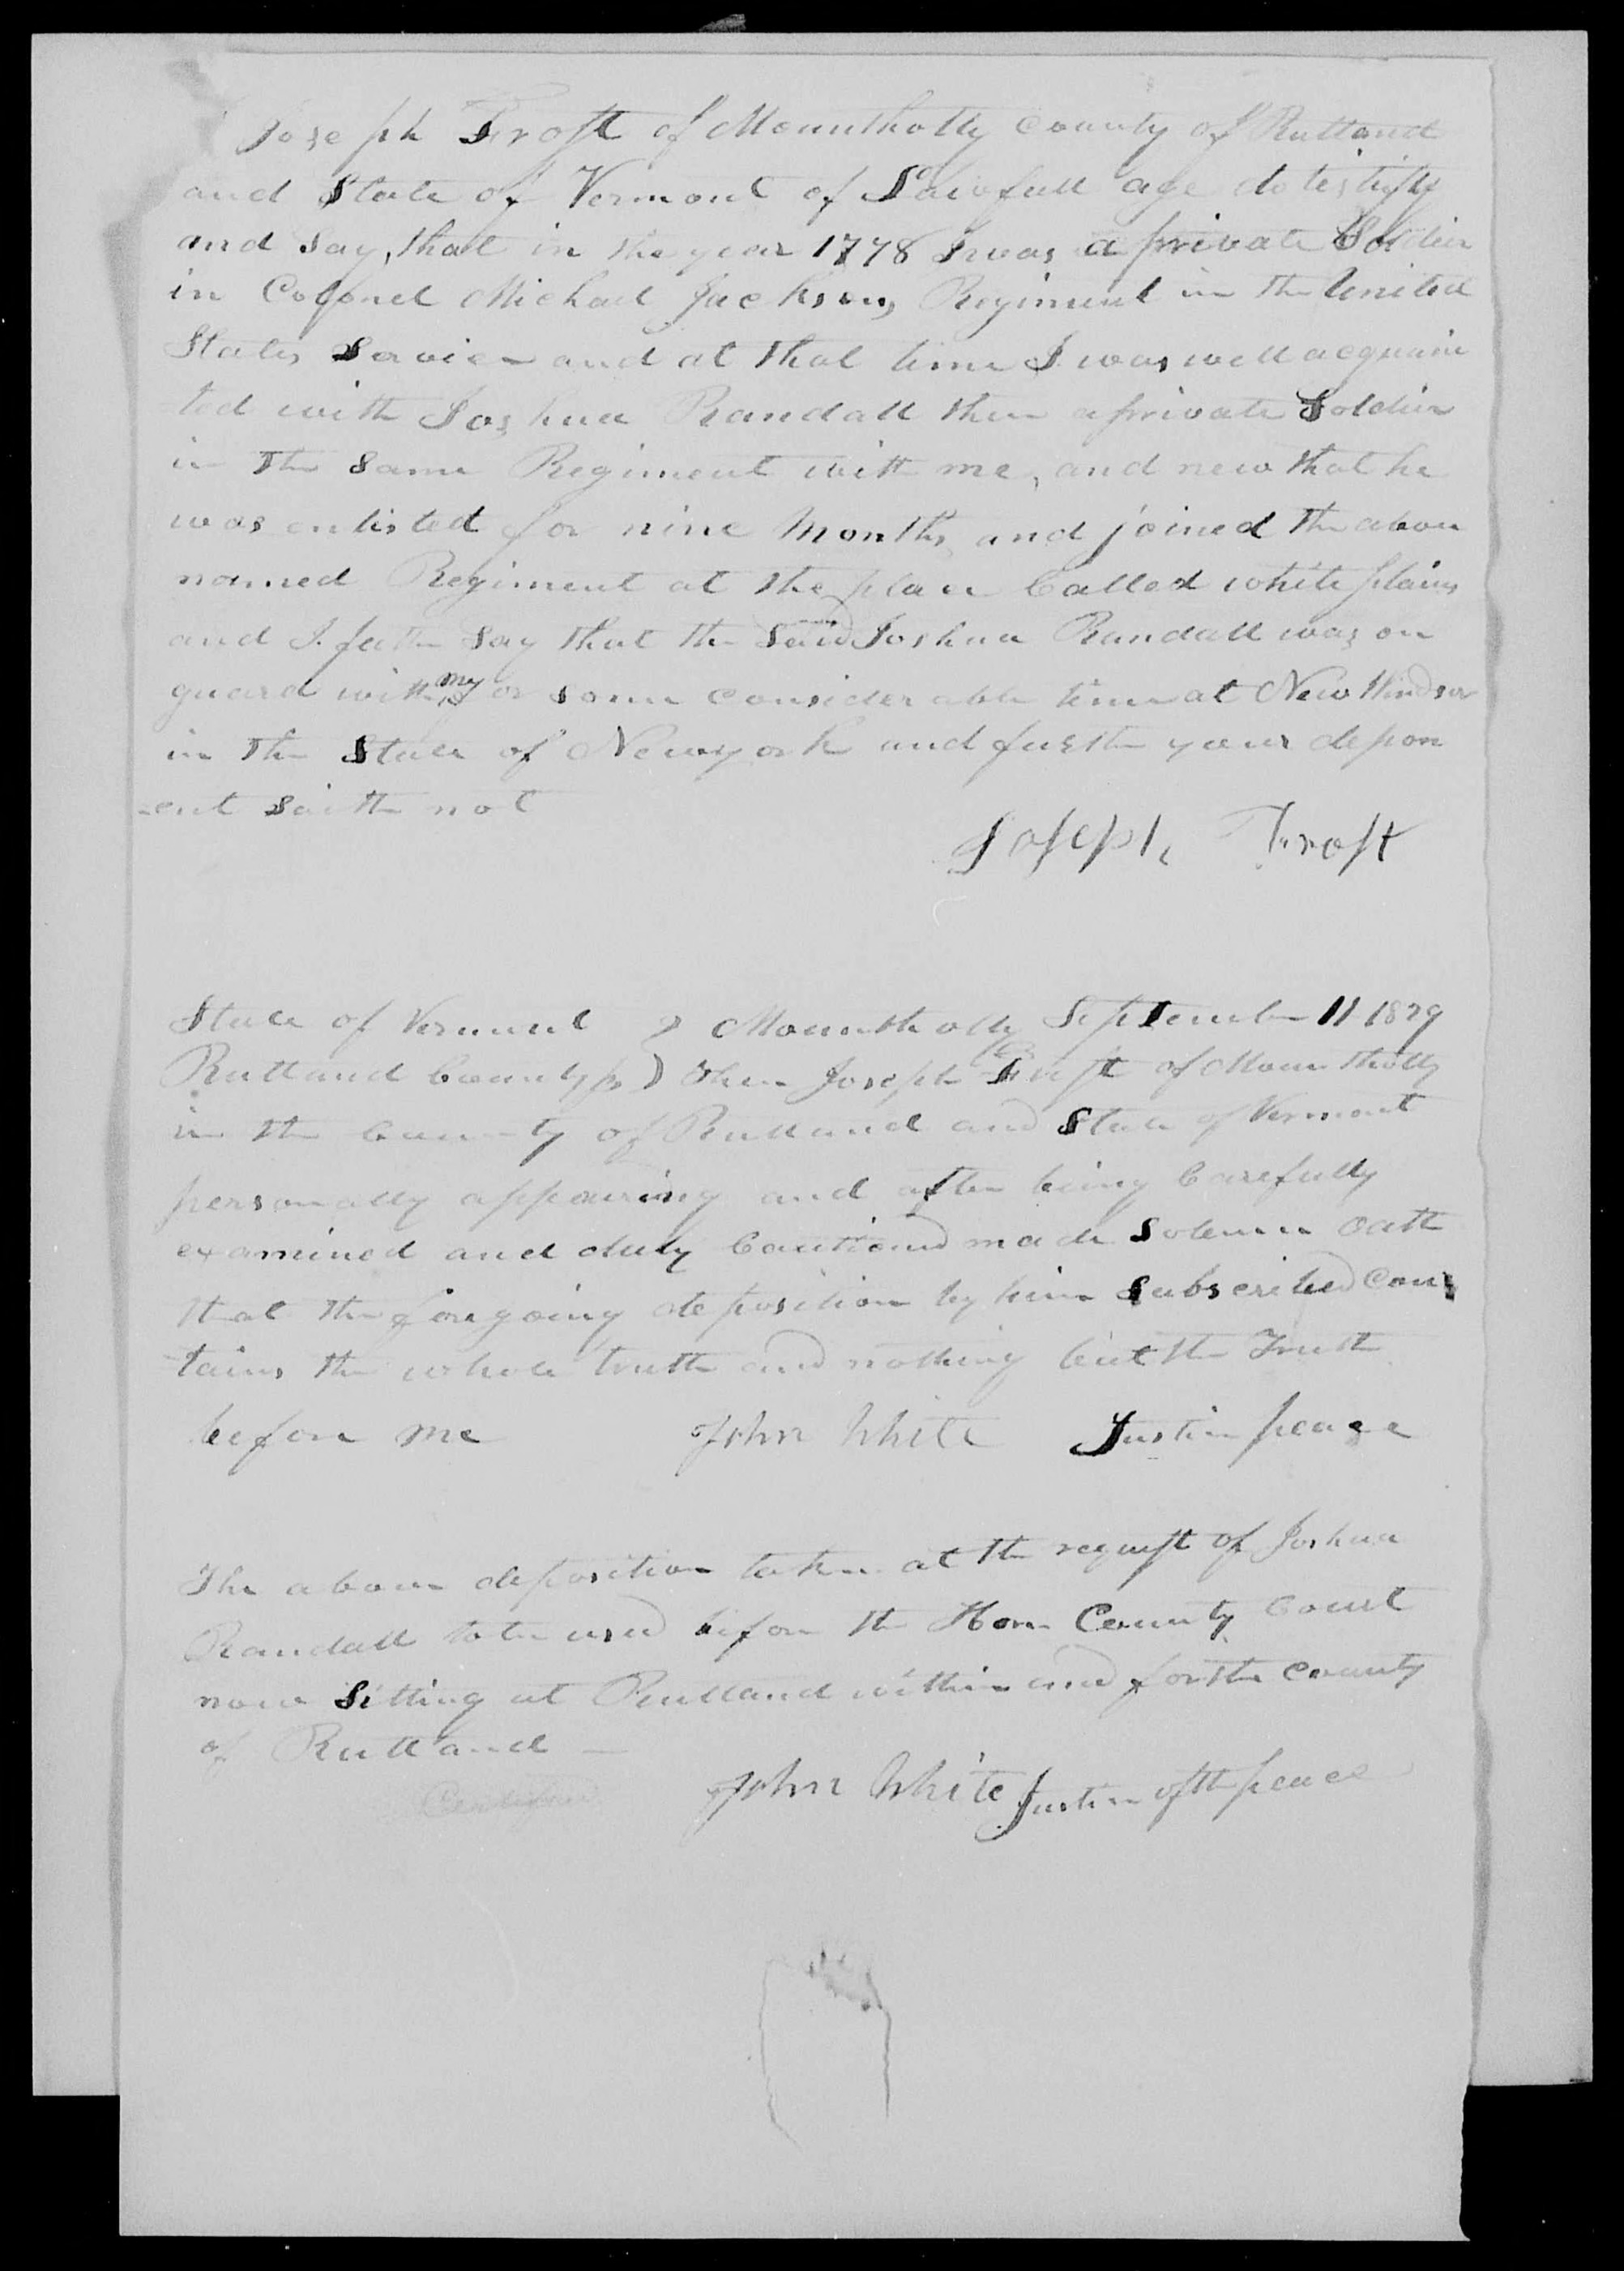Joseph Frost of Mountholly County of Rutland
and State of Vermont of Lawfull age do testify
and say, that in the year 1778 I was a private Soldier
in Colonel Michael Jackson’s Regiment in the United States
Service.  And at that time I was well acquainted
 with Joshua Randall, then a private Soldier
in the same Regiment with me, and [k]new that he
was enlisted for nine months and joined the above
named Regiment at the place called White Plains.
And I further say that the said Joshua Randall was on
guard with me for some considerable time at New Windsor
in the State of New York and further your deponent saith not.
Joseph Frost

State of Vermont  Montholly September 11 1829
Rutland County Then Joseph Frost of Mountholly
in the County of Rutland and State of Vermont
personally appearing and after being carefully
examined and duly cautioned made Solemn oath
that the foregoing deposition by him subscribed
 contains the whole truth and nothing but the truth.
Before me 
John White  Justice Peace

The above deposition taken at the request of Joshua
Randall to be used before the Hon County Court
now sitting at Portland within and for the County
of Rutland
John White Justice of the peace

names: John White; Joseph Frost; Joshua Randall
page: 12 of 20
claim: survivor's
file: S. 41,090, for Joshua Randall, Massachusetts